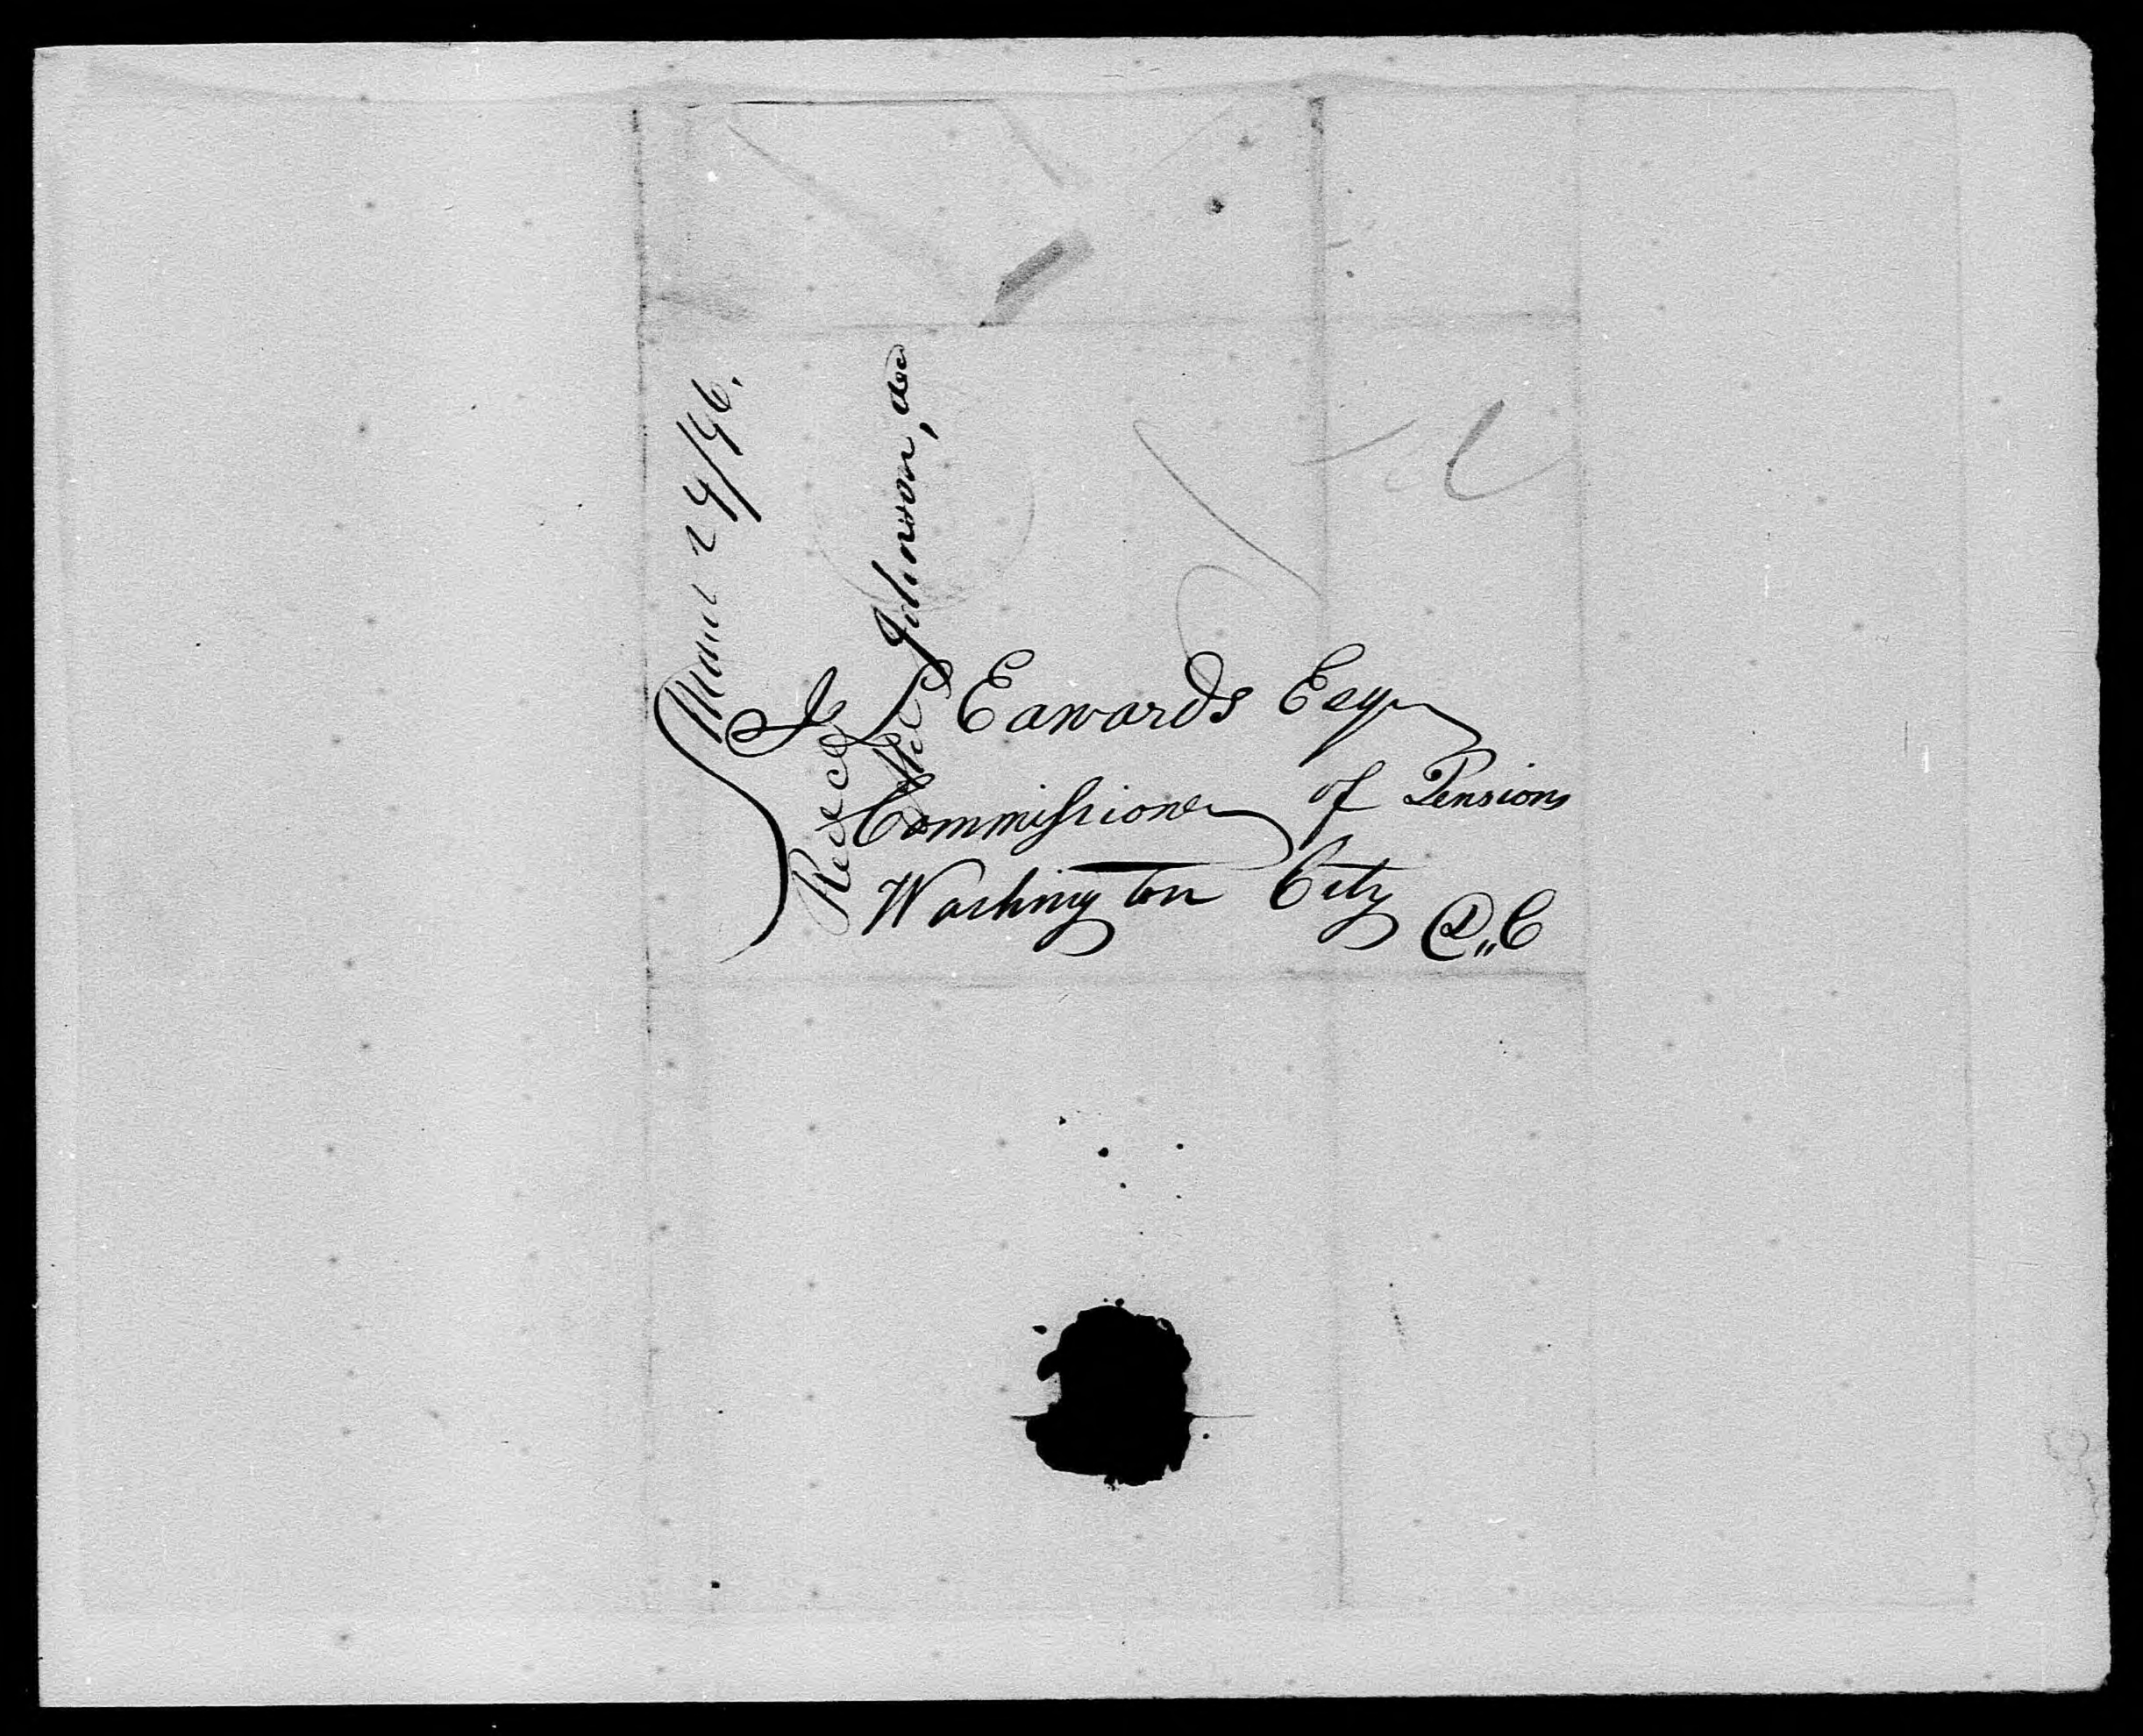March 24/96
Recd 
Abel Johnson, dec
J. L. Edwards, Esq.
Commissioner of Pensions
Washington City, D.C.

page: 36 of 74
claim: rejected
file: R. 5600, for Abel Johnson, North Carolina